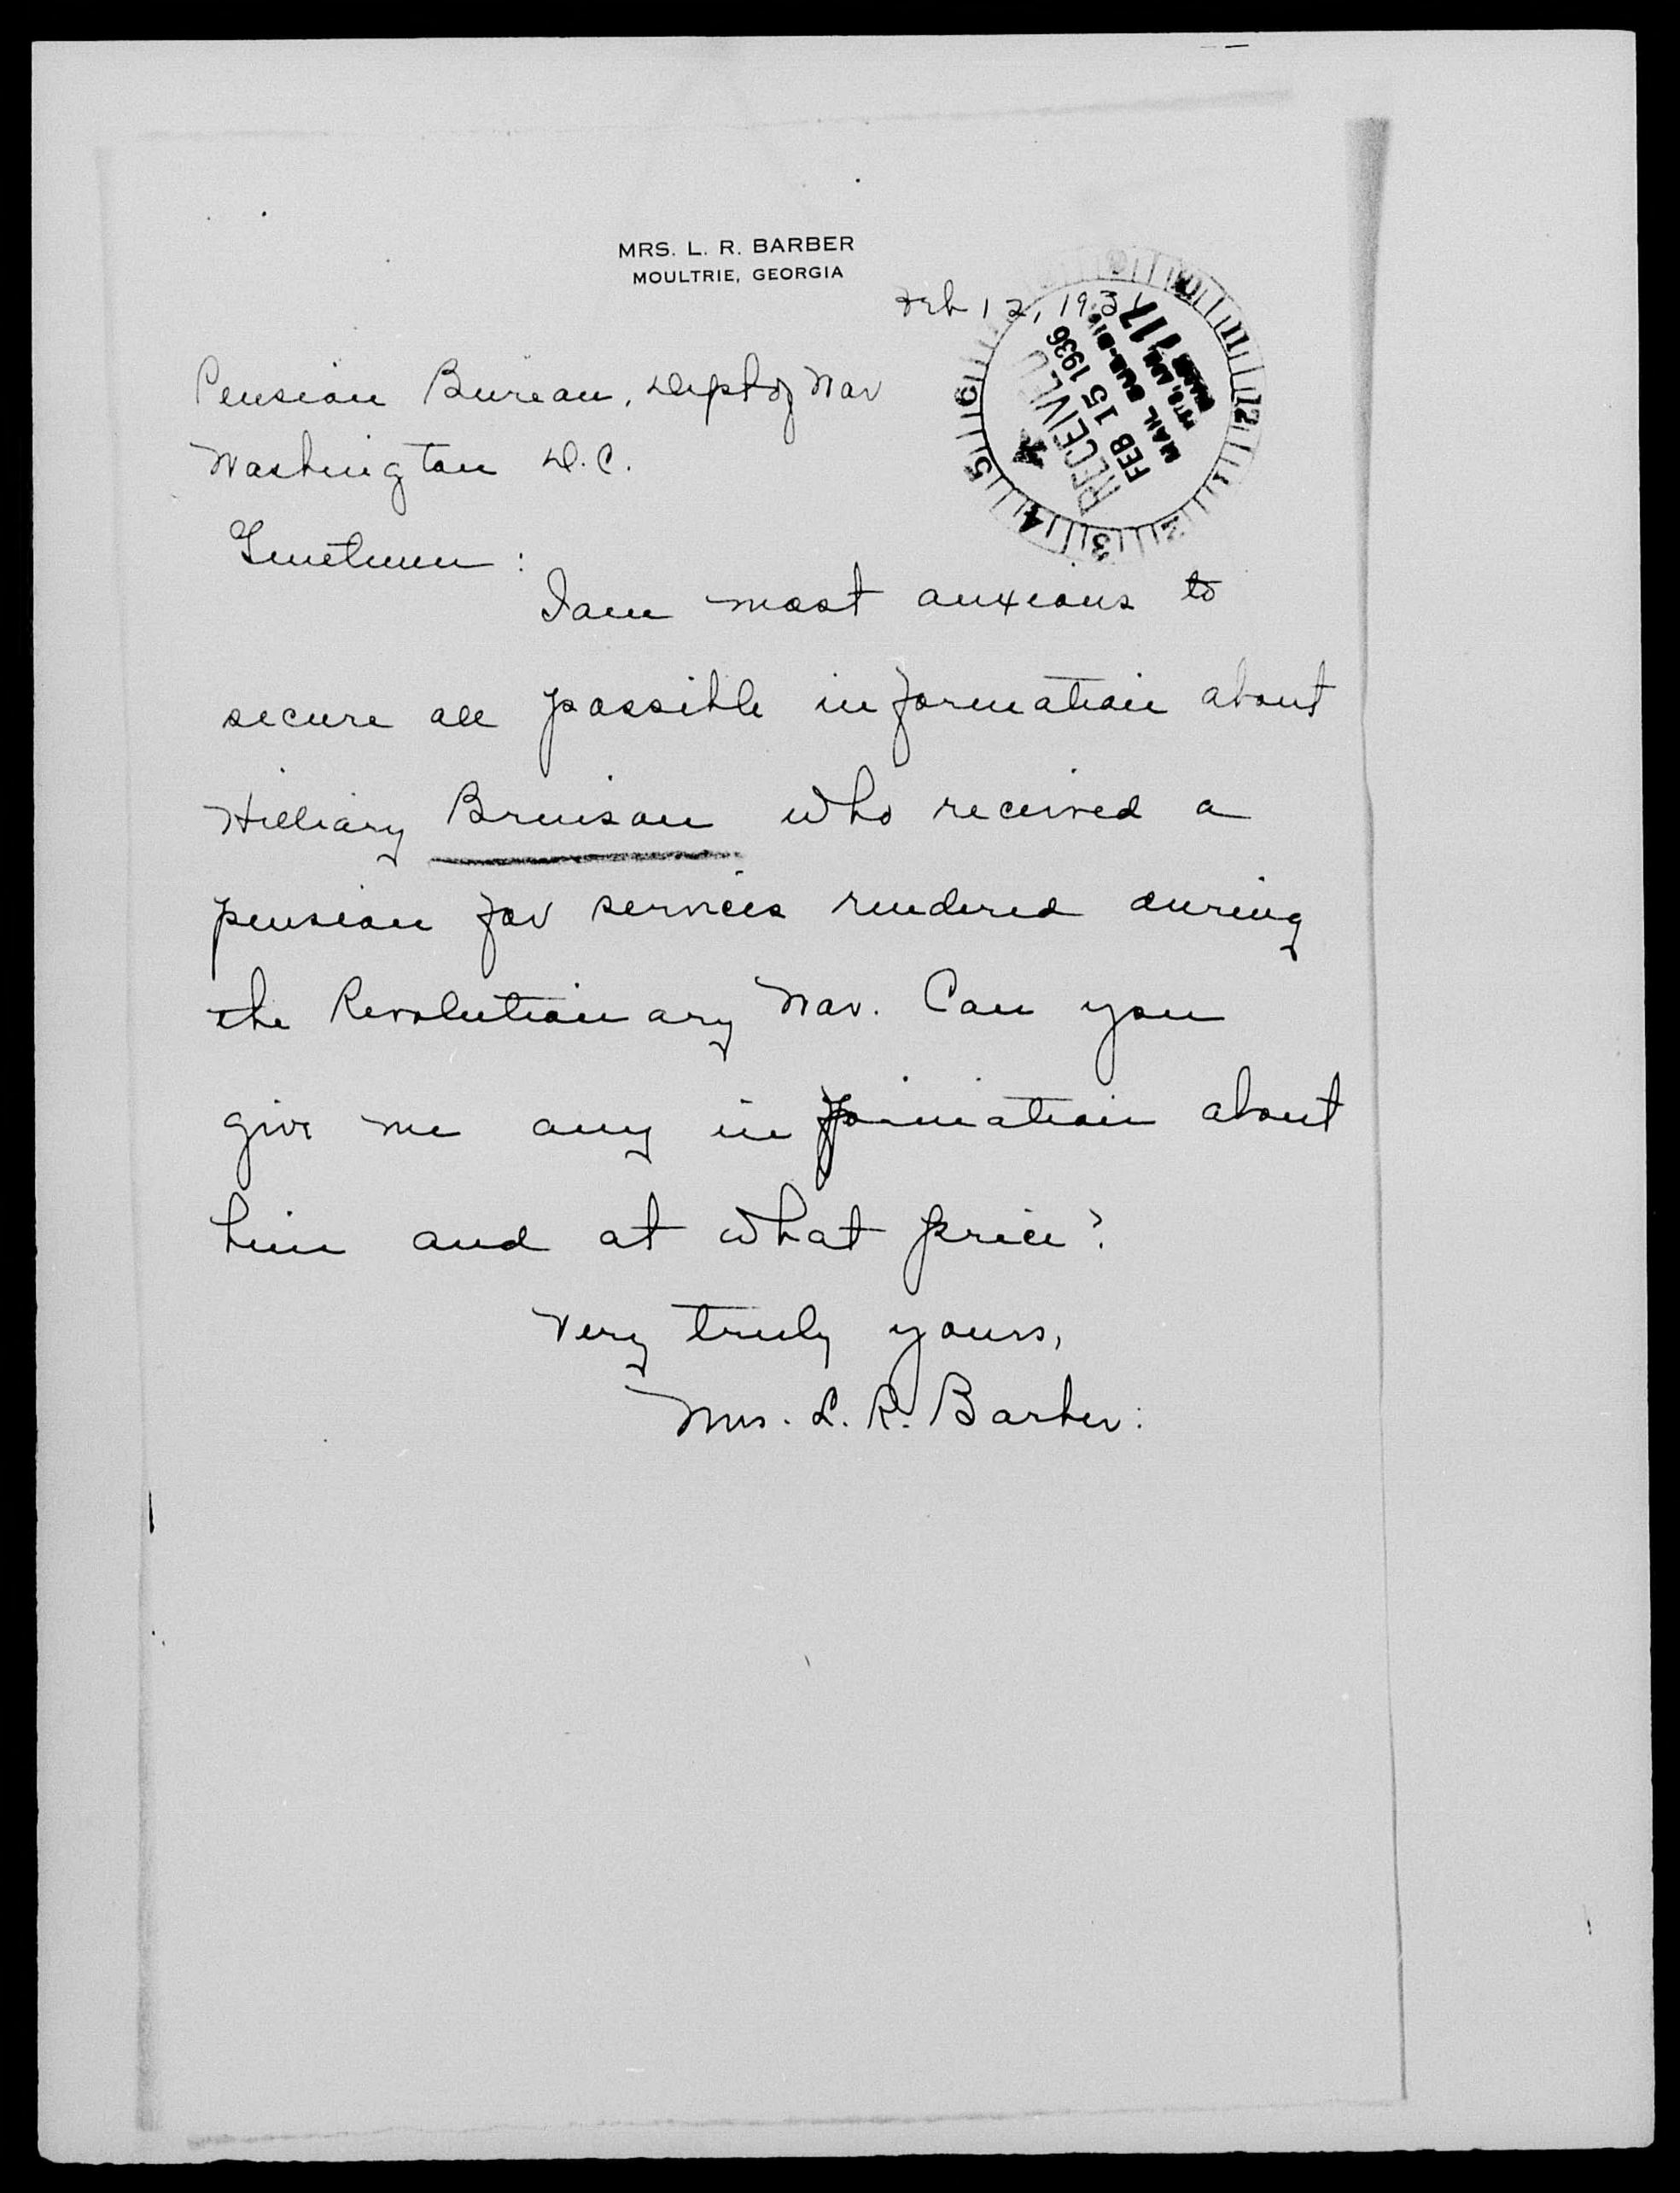Mrs. L.R. Barber
Moultrie Georgia

[Stamped]
Received Feb 15 1936 Mail Sub-Div [illegible]

Feb 12, 1936

Pension Bureau, Dept of War
Washington  D.C.

Gentlemen:
 I am most anxious to secure all possible information about Hillary Brinson who received a pension for services rendered during the Revolutionary War. can you give me any information about him and at what price?
Very truly yours
Mrs. L.R. Barber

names: L R Barber, Hilliary Brinson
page: 36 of 38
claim: widow's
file: W. 5231, Hilary Brinson, N.C.